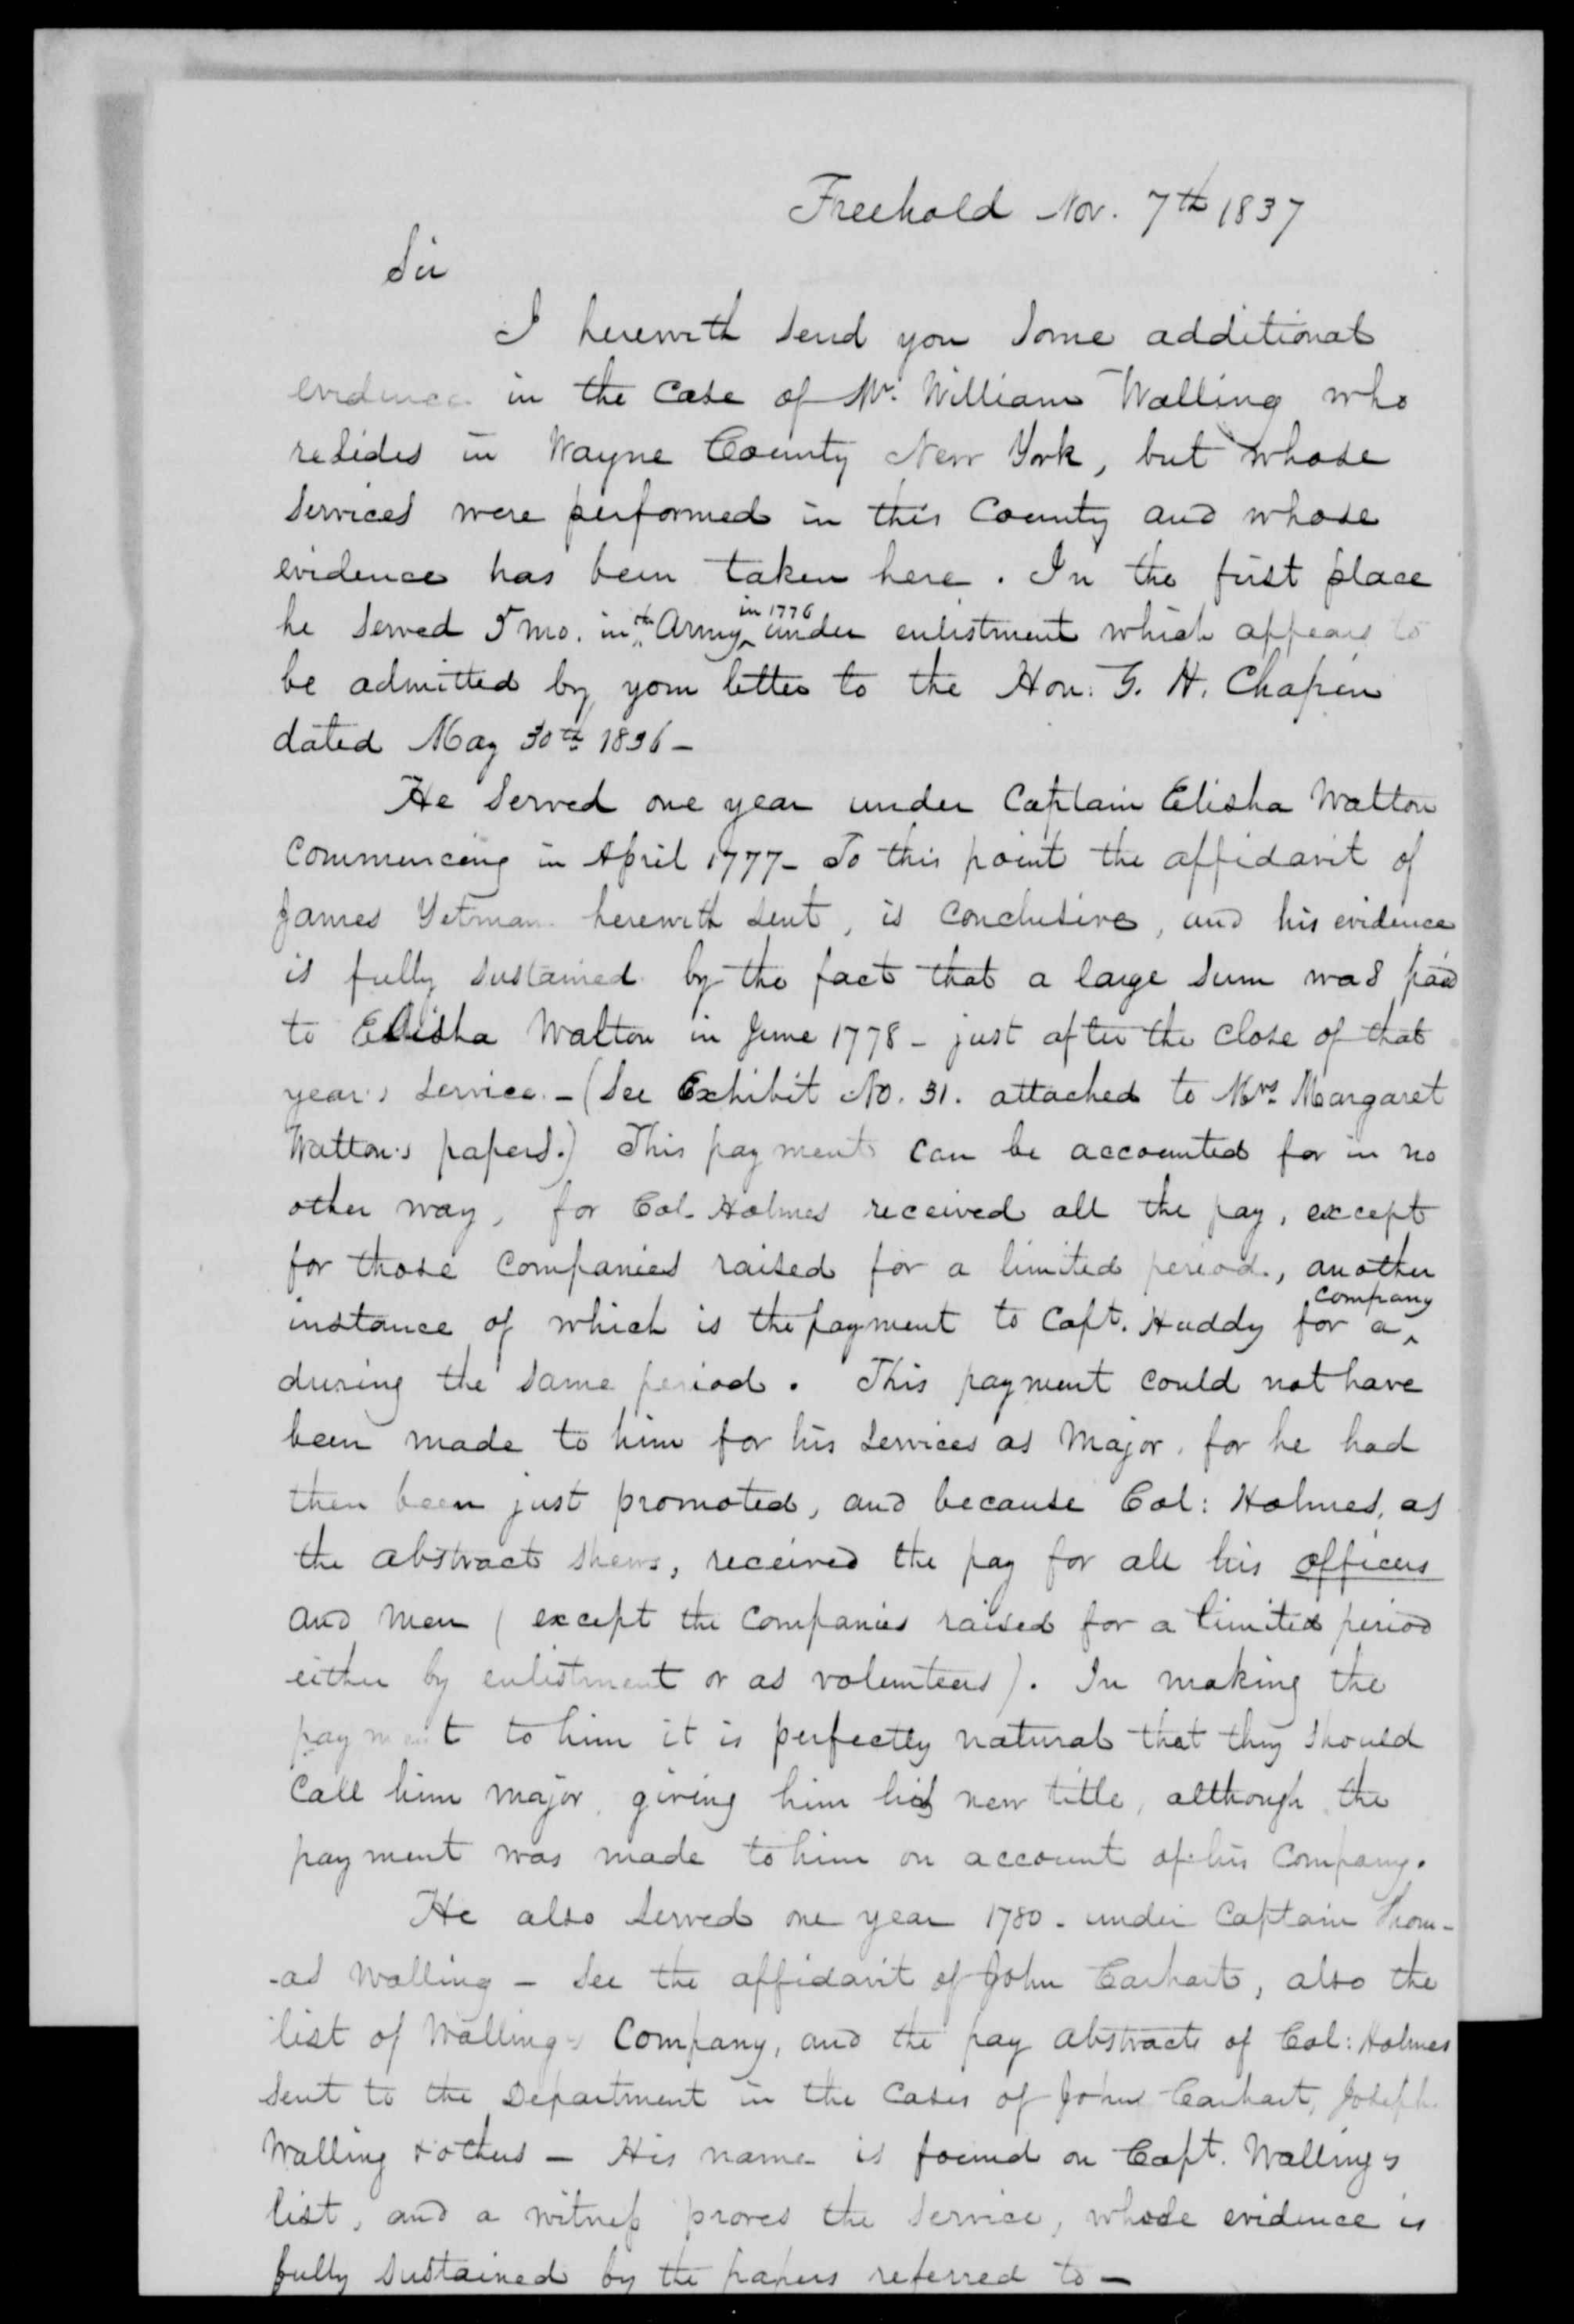Freehold Nov 7th 1837
Sir
I herewith send you some additional evidence in the case of Mr. William Walling who resides in Wayne County New York, but whose services were performed in this county and whose evidence has been taken here.  In the first place he served 5 mos. in the Army in 1776 under enlistment which appeared to be admitted by your letter to the Hon. G.H. Chapin dated May 30th 1836.

He served one year under Captain Elisha Walton commencing in April 1777.  To this point the affidavit of James Yetman herewith sent, is conclusive, and his evidence is fully sustained by the fact that a large sum was paid to Elisha Walton in June 1778 just after the close of that year's services. (See Exhibit No. 31 attached to Mrs. Margaret Walton's papers.). This payment can be accounted for in no other way for Col. Holmes received all the pay except for those companies raised for a limited period.  Another instance of which is the payment to Capt. Huddy for a company during the same period.  This payment could not have been made to him for his services as Major for he had then been just promoted, and because Col. Holmes as the abstract shows, received the pay for all his officers and men (except the companies raised for a limited period either by enlistment or as volunteers).  In making the payment to him it is perfectly natural that they should call him Major, giving him his new title, although the payment was made to him on account of his company.

He also served one year 1780 under Captain Thomas Walling - see the affidavit of John Carhart, also the list of Walling's company, and the pay abstract of Col. Holmes sent to the Department in the cases of John Carhart, Joseph Walling & others.  His name is found on Capt. Walling's list, and a witness proves the service, whose evidence is fully sustained by the papers referred to.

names: Thomas Walling, G H Chapin, William Walling, Joseph Walling, Walling, Holmes, John Carhart, Holmes, John Carhart, Holmes, Elisha Walton, Elisha Walton, Margaret Walton, Huddy, James Getman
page: 59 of 66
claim: widow's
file: W. 19588, William Walling, New Jersey